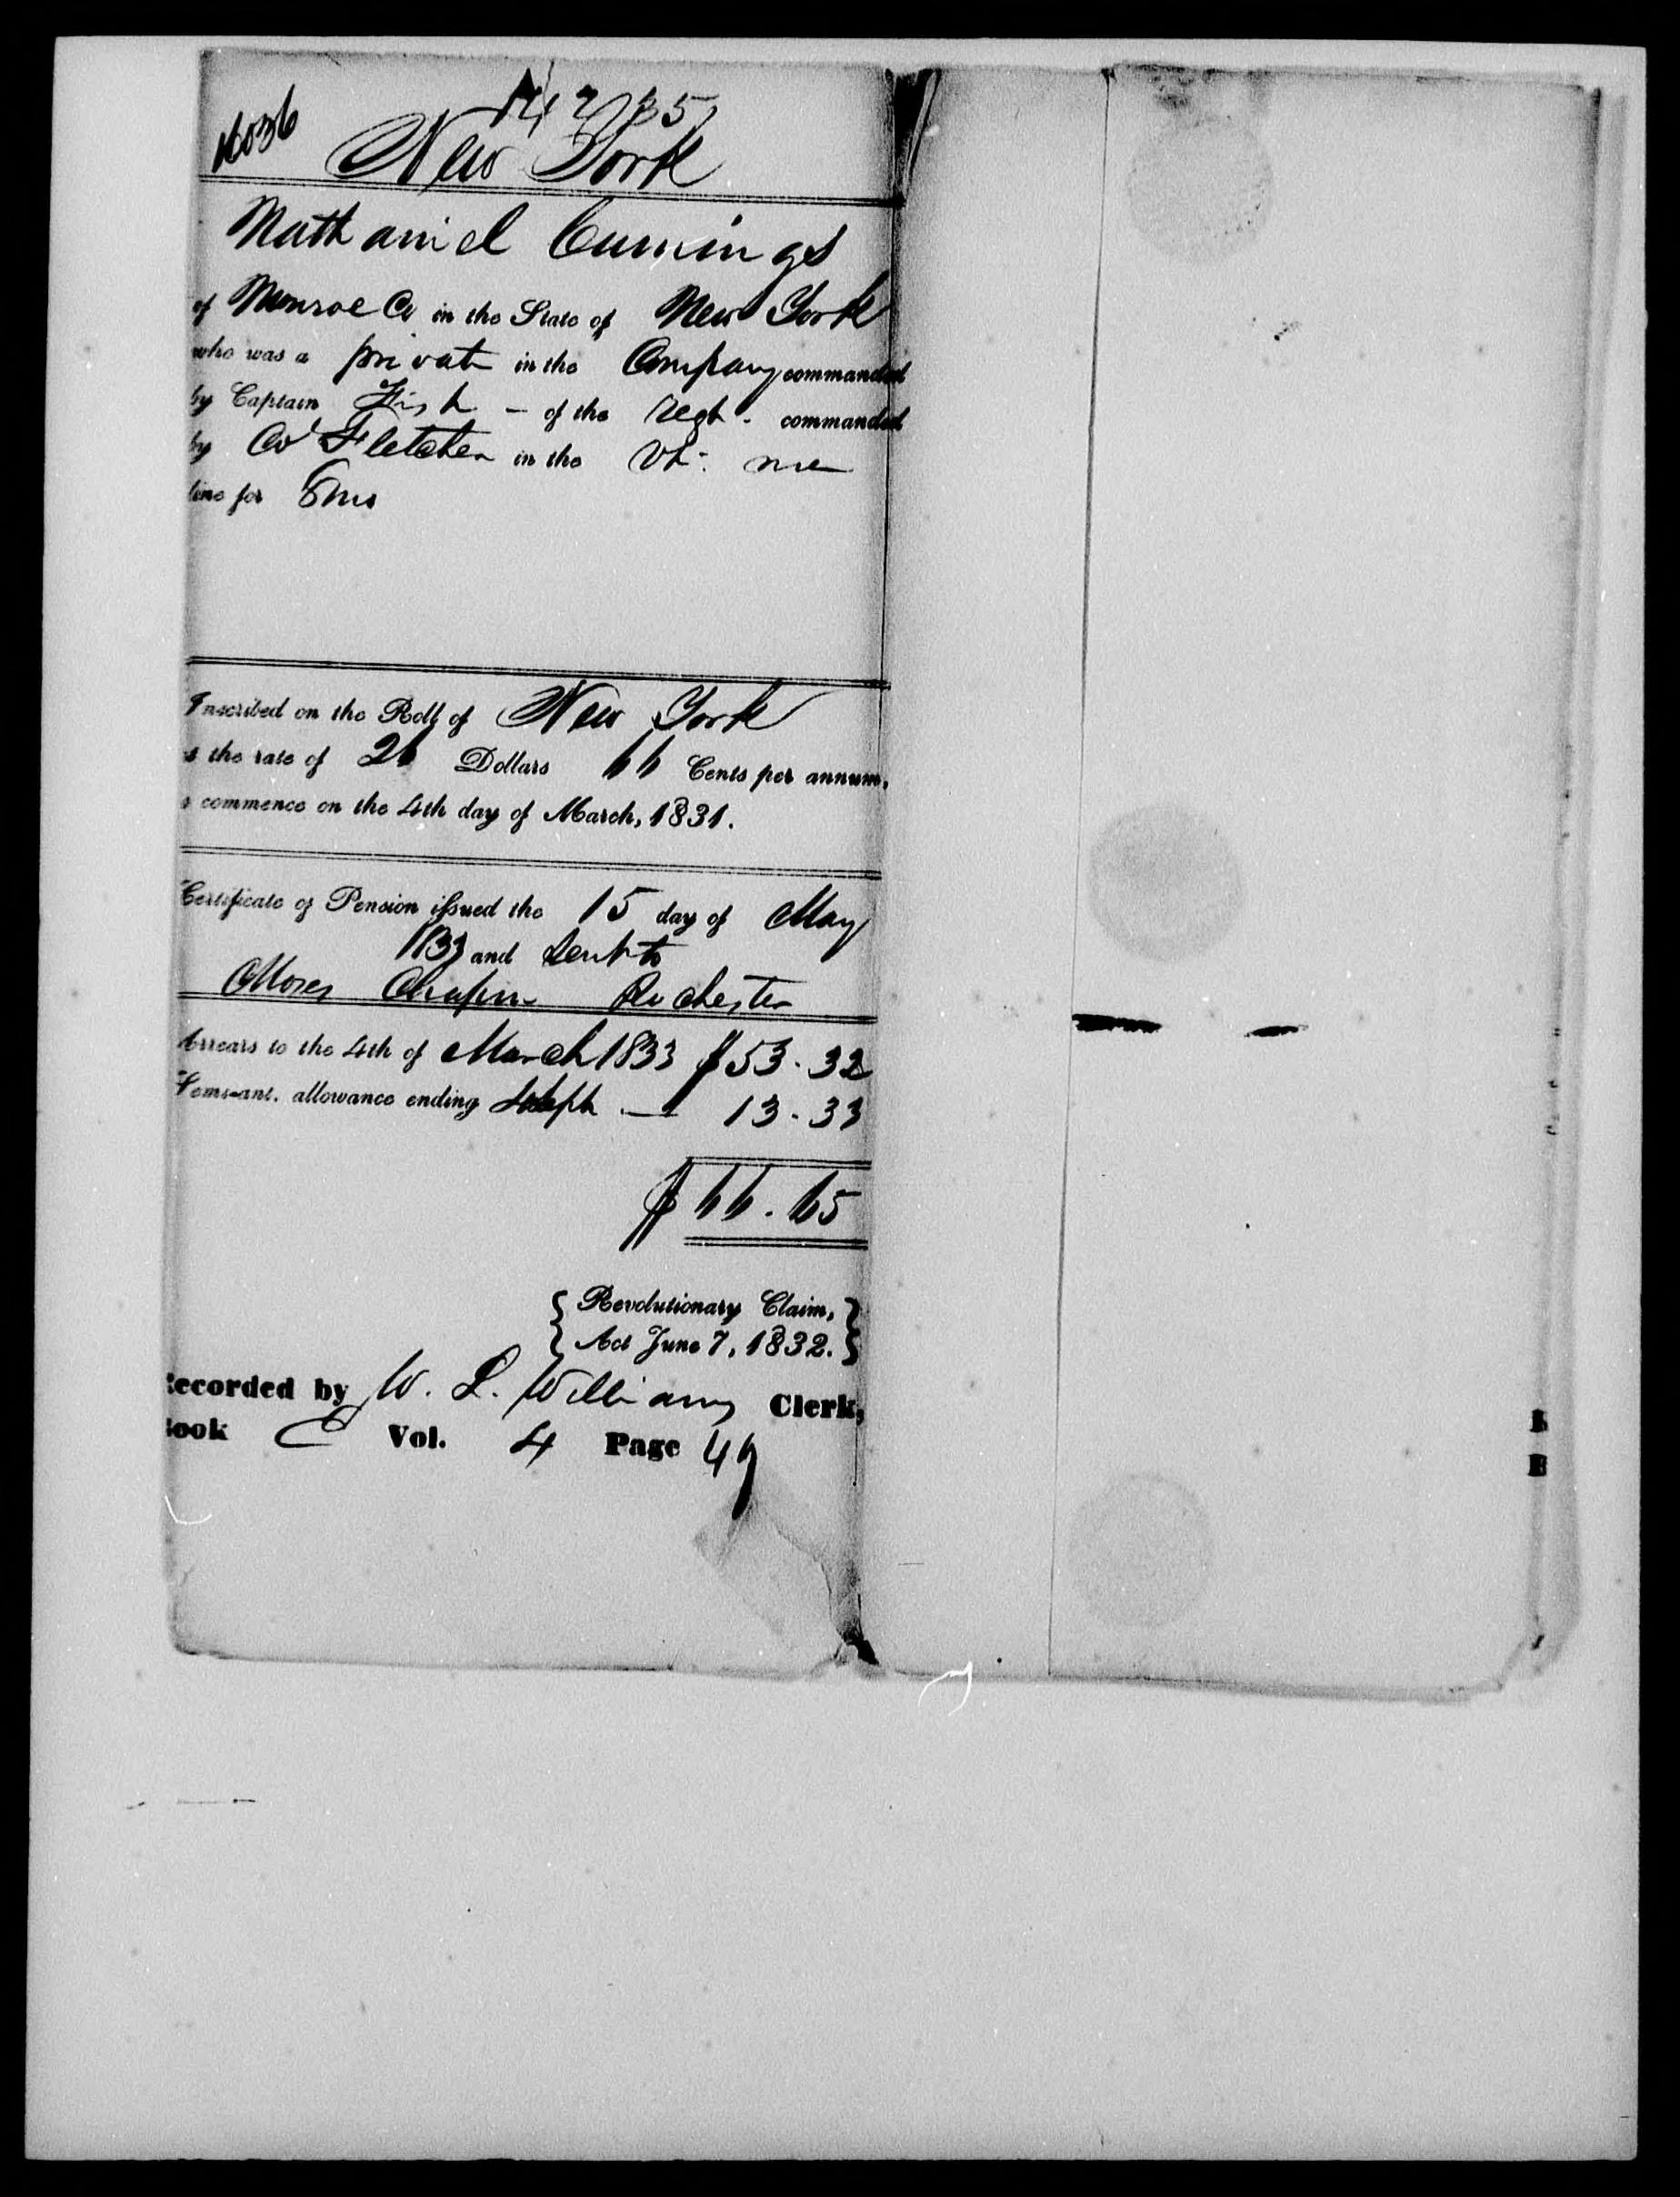16036  14235
New York
Nathaniel Cumings
of Monroe Co in the State of New York
who was a private in the Company command
Captain Fish of the regt command
Col Fletcher in the Vt line
for 8 mo

Inscribed on the Roll of New York
the rate of 26 Dollars 66 Cents per annum
commence on the 4th day of March, 1831.

Certificate of Pension issued the 15 day of May
1837 and sent to
Moses Chapin Rochester
---
Arrears to the 4th of March 1833 $53.32
Penn. allowance ending Sept 13.33
$66.65 
 Revolutionary Claim,
⎨Act June 7, 1832.
Recorded by W. L. Williams Clerk
Book E Vol 4 Page 49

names: Fish, Fletcher, Nathaniel Cumings, Moses Chapin, W L William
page: 2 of 41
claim: widow's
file: W. 9819, Nathaniel Cumings, Vt.